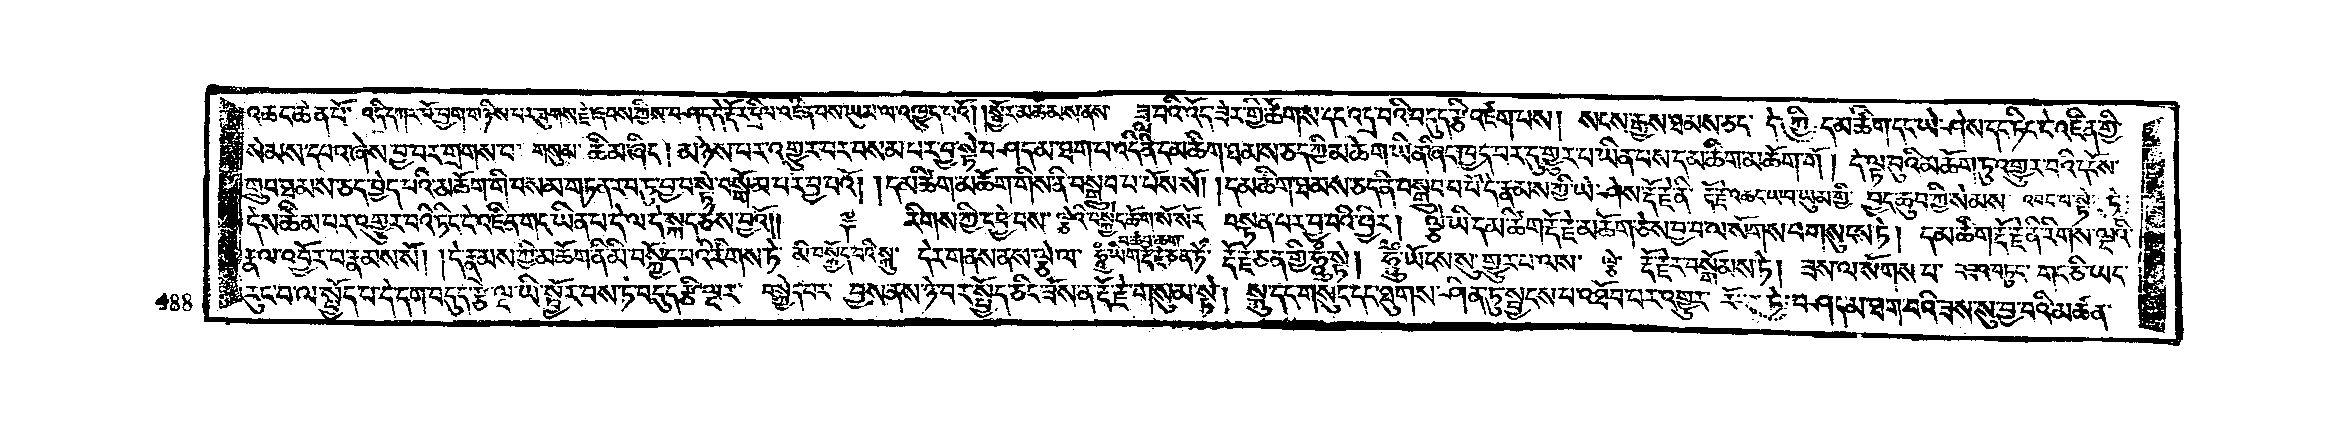འཆང་ཆེན་པོ་འདི་དཀར་པོ་ཕྱག་གཉིས་པར་ཐུགས་རྗེ་ཞབས་ཀྱིས་བཤད་དེ་རྡོར་དྲིལ་འཛིན་པས་ཡུམ་ལ་འཁྱུད་པའོ། །སྦྱོར་མཚམས་ནས་ཟླ་བའི་འོད་ཟེར་གྱི་ཚོགས་དང་འདྲ་བའི་བདུད་རྩི་འཛག་པས། སངས་རྒྱས་ཐམས་ཅད་དེ་ཀྱི་དམ་ཚིག་དང་ཡེ་ཤེས་དང་ཏིང་ངེ་འཛིན་གྱི་
སེམས་དཔའ་ཞེས་བྱ་བར་གྲགས་པ་གསུམ་ཚིམ་ཞིང་། མཉེས་པར་འགྱུར་བར་བསམ་པར་བྱ་སྟེ་བཤད་མ་ཐག་པ་འདི་ནི་དམ་ཚིག་ཐམས་ཅད་ཀྱི་མཆོག་ཡིན་ཞིང་ཁྱད་པར་དུ་གྱུར་པ་ཡིན་པས་དམ་ཚིག་མཆོག་གོ །དེ་ལྟ་བུའི་མཆོག་ཏུ་འགྱུར་བའི་དངོས་
གྲུབ་ཐམས་ཅད་བྱེད་པའི་མཆོག་གི་བསམ་གཏན་རབ་ཏུ་བྱ་བ་སྟེ་བསྒོམ་པར་བྱ་བའོ། །དམ་ཚིག་མཆོག་གིས་ནི་བསྒྲུབ་པ་པོས་སོ། །དམ་ཚིག་ཐམས་ཅད་ནི་བསྒྲུབ་པ་པོ་དེ་རྣམས་ཀྱི་ཡེ་ཤེས་རྡོ་རྗེ་ནི་རྡོ་རྗེ་འཆང་ཡབ་ཡུམ་གྱི་བྱང་ཆུབ་ཀྱི་སེམས་འབད་པ་སྟེ་ཏེ་
དེས་ཚིམ་པར་འགྱུར་བའི་ཏིང་ངེ་འཛིན་གང་ཡིན་པ་དེ་ལ་དེ་སྐད་ཅེས་བྱའོ།། ༈ རིགས་ཀྱི་དབྱེ་བས་ལྕེའི་བསྐྱེད་ཆོག་སོ་སོར་བསྟན་པར་བྱ་བའི་ཕྱིར། ལྕེ་ཡི་དམ་ཚིག་རྡོ་རྗེ་མཆོག་ཅེས་བྱ་བ་ལ་སོགས་པ་གསུངས་ཏེ། དམ་ཚིག་རྡོ་རྗེ་ནི་རིགས་ལྔའི་
རྣལ་འབྱོར་པ་རྣམས་སོ། །དེ་རྣམས་ཀྱི་མཆོག་ནི་མི་བསྐྱོད་པའི་རིགས་ཏེ་མི་བསྐྱོད་པའི་སྐུ་དེར་གནས་ནས་ལྕེ་ལ་པ་ཚབ་ཆག་ཧཱུཾ་ཡིག་པ་ཚབ་ཆག་རྡོ་རྗེ་ཅན་ཏེ ༡་རྡོ་རྗེ་ཅན་གྱི་ཧཱུཾ་སྟེ། ༢་ཧཱུཾ་ཡོངས་སུ་གྱུར་པ་ལས་ལྕེ་རྡོ་རྗེར་བསྒོམས་ཏེ། ཟས་ལ་སོགས་པ་བཟའ་བཏུང་གང་ཅི་ཡང་
རུང་བ་ལ་སྤྱོད་པ་དེ་དག་བདུད་རྩེ་ལྔ་ཡི་སྦྱོར་བས་ཏེ་བདུད་རྩི་ལྔར་བསྐྱེད་པར་བྱས་ནས་ཉེ་བར་སྤྱོད་ཅིང་ཟོས་ན་རྡོ་རྗེ་གསུམ་སྟེ། སྐུ་དང་གསུང་དང་ཐུགས་ཤིན་ཏུ་སྦྱངས་པ་འཐོབ་པར་འགྱུར་རོ་ཏེ་བཤད་མ་ཐག་པའི་ཟས་སུ་བྱ་བའི་མཚན་